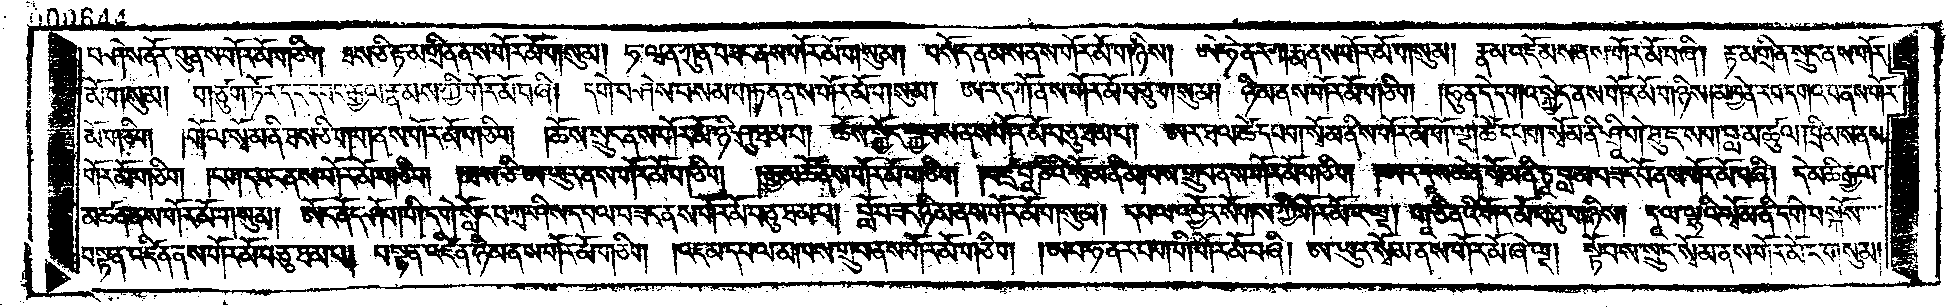བཤེས་ནོར་བུ་ནས་གོར་མོ་གཅིག །ཐས་ཅི་རྟ་མགྲིན་ནས་གོར་མོ་གསུམ། ཧ་ཝན་ཀུན་བཟང་ནས་གོར་མོ་གསུམ། བསོད་ནམས་ནས་གོར་མོ་གཉིས། ཨེ་ཧེ་ནར་ཀརྨ་ནས་གོར་མོ་གསུམ། རྣམ་འཇོམས་ནས་གོར་མོ་བཞི། རྟ་མགྲིན་སྲུང་ནས་གོར་
མོ་གསུམ། གཙུག་ཏོར་དང་དབང་རྒྱལ་རྣམས་ཀྱི་གོར་མོ་བཞི། དགེ་བཤེས་བསམ་གཏན་ནས་གོར་མོ་གསུམ། ཨ་རད་ཀོ་ནས་གོར་མོ་བཅུ་གསུམ། ཉི་མ་ནས་གོར་མོ་གཅིག །ཧུན་དེ་དགའ་སྐྱེད་ནས་གོར་མོ་གཉིས། མཁྱེན་རབ་དགའ་བ་ནས་གོར་
མོ་གཅིག །གོལ་སྭོམ་ནི་ཐས་ཅིག་ག་ནས་གོར་མོ་གཅིག །ཆོས་སྲུང་ནས་གོར་མོ་ཉི་ཤུ་ཐམ་པ། ཆོས་སྐྱོང་སྐྱབས་ནས་གོར་མོ་བཅུ་ཐམ་པ། ཨར་ཐལ་ཚེ་དཔག་སྭོམ་ནིས་གོར་མོ་གོ་ལྔ། ཚེ་དཔག་སྭོམ་ནི་ཤྲཱི་གེ་ཐུ་ཇ་སག་བླ་མ་ཚུལ་ཁྲིམས་ནས་
གོར་མོ་གཅིག །ངག་དབང་ནས་གོར་མོ་གཅིག །ཐས་ཅི་ཨ་ཡུར་ནས་གོར་མོ་གཅིག །རྒྱ་མཚོ་ནས་གོར་མོ་གཅིག །བཛྲ་པཱ་ཎིའི་སྭོམ་ནི་མཁས་གྲུབ་ནས་གོར་མོ་གཅིག །ཨར་དཱས་ཆེན་སྭོམ་ནི་ཏཱ་བླ་མ་བཟང་པོ་ནས་གོར་མོ་བཞི། དེམ་ཆི་རྒྱལ་
མཚན་ནས་གོར་མོ་གསུམ། ཨོང་ནོད་ཤོག་གི་དགེ་སློང་བཀྲ་ཤིས་དཔལ་བཟང་ནས་གོར་མོ་བཅུ་ཐམ་པ། བློ་བཟང་ཉི་མ་ནས་གོར་མོ་གསུམ། དཔལ་འབྱོར་སོགས་ཀྱི་གོར་མོ་ང་ལྔ། གཱ་ཅི་ནའི་གོར་མོ་བཅུ་གཉིས། དཱལ་ལྷའི་སྭོམ་ནི་དགེ་བསྐོས་
བསྟན་འཛིན་ནས་གོར་མོ་བཅུ་ཐམ་པ། བསྟན་འཛིན་ཉི་མ་ནས་གོར་མོ་གཅིག །འཇམ་དཔལ་མཁས་གྲུབ་ནས་གོར་མོ་གཅིག །ཨབ་ཧ་ནར་བག་གི་གོར་མོ་བཞི། ཨ་ཡུར་སྭོམ་ནས་གོར་མོ་ཞེ་ལྔ། སྟོབས་སྲུང་སྭོམ་ནས་གོར་མོ་ང་གསུམ།